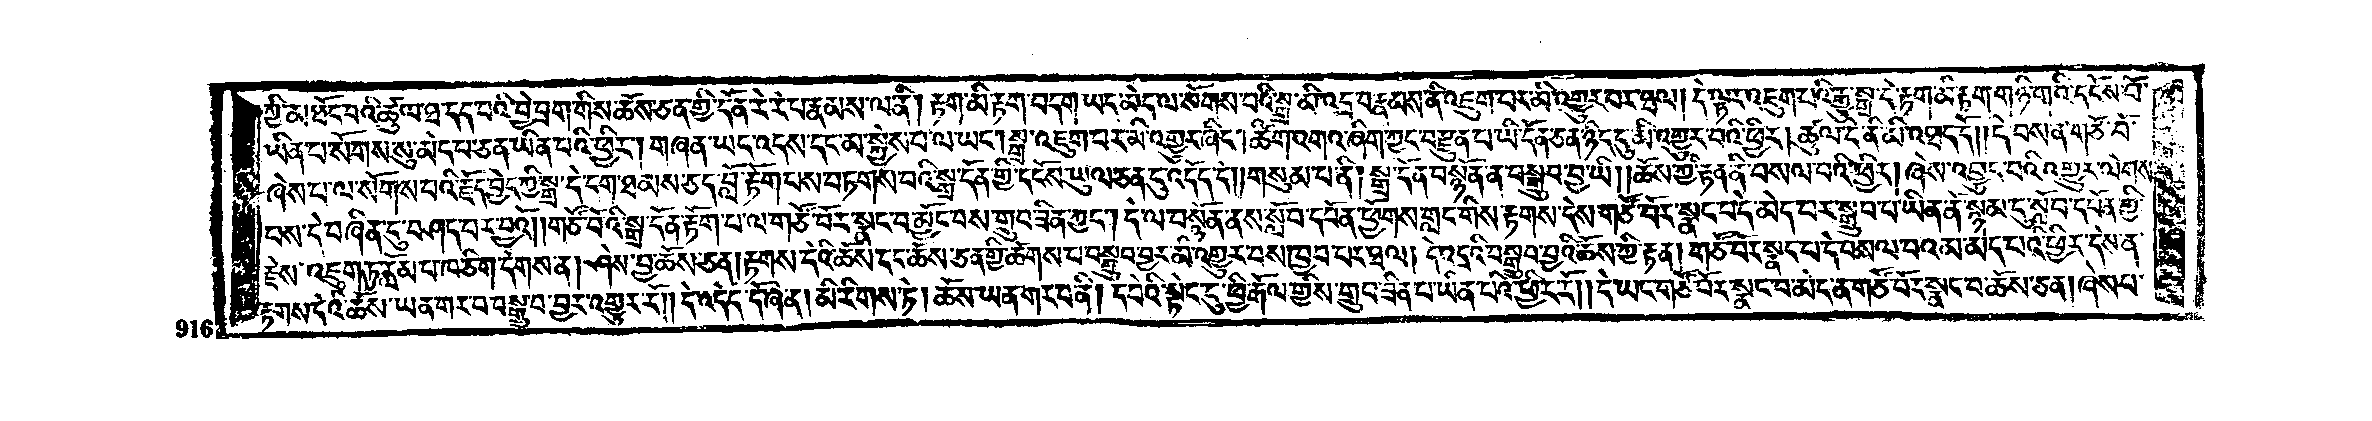ཀྱི་མཐོང་བའི་ཚུལ་ཐ་དད་པའི་བྱེ་བྲག་གིས་ཆོས་ཅན་གྱི་དོན་རེ་རེ་པ་རྣམས་ལ་ནི། རྟག་མི་རྟག་བདག་ཡོད་མེད་ལ་སོགས་པའི་སྒྲ་མི་འདྲ་བ་རྣམས་ནི་འཇུག་པར་མི་འགྱུར་བར་ཐལ། དེ་ལྟར་འཇུག་པའི་རྒྱུ་སྒྲ་དེ་རྟག་མི་རྟག་གཉི་གའི་དངོས་པོ་
ཡིན་པ་སོགས་སུ་མེད་པ་ཅན་ཡིན་པའི་ཕྱིར། གཞན་ཡང་འདས་དང་མ་སྐྱེས་པ་ལ་ཡང་། སྒྲ་འཇུག་པར་མི་འགྱུར་ཞིང་། ཚིག་འགའ་ཞིག་ཀྱང་བརྫུན་པ་ཡི་དོན་ཅན་ཉིད་དུ་མི་འགྱུར་བའི་ཕྱིར། ཚུལ་དེ་ནི་མི་འཐད་དོ། །དེ་བས་ན་གཙོ་བོ་
ཞེས་པ་ལ་སོགས་པའི་རྗོད་བྱེད་ཀྱི་སྒྲ་དེ་དག་ཐམས་ཅད་བློ་རྟོག་པས་བཏགས་པའི་སྒྲ་དོན་གྱི་དངོས་ཡུལ་ཅན་དུ་འདོད་དོ། །གསུམ་པ་ནི། སྒྲ་དོན་བསྙོན་ན་བསྒྲུབ་བྱ་ཡི། །ཆོས་ཀྱི་རྟན་ནི་བསལ་བའི་ཕྱིར། ཞེས་འབྱུང་བའི་འགྱུར་ལེགས་
པས་དེ་བཞིན་དུ་བཤད་པར་བྱའོ། །གཙོ་བོའི་སྒྲ་དོན་རྟོག་པ་ལ་གཙོ་བོར་སྣང་བ་མྱོང་བས་གྲུབ་ཟིན་ཀྱང་། དེ་ལ་བསྙོན་ནས་སློབ་དཔོན་ཕྱོགས་གླང་གིས་རྟགས་དེས་གཙོ་བོར་སྣང་བ་དེ་མེད་པར་སྒྲུབ་པ་ཡིན་ནོ་སྙམ་དུ་སློབ་དཔོན་གྱི་
རྗེས་འཇུག་ཏུ་རློམ་པ་ཁ་ཅིག་དེགས་ན། ཤེས་བྱ་ཆོས་ཅན། རྟགས་དེའི་ཆོས་དང་ཆོས་ཅན་གྱི་ཚོགས་པ་བསྒྲུབ་བྱར་མི་འགྱུར་བས་ཁྱབ་པར་ཐལ། དེ་འདྲའི་བསྒྲུབ་བྱའི་ཆོས་ཀྱི་རྟན། གཙོ་བོར་སྣང་བ་དེ་བསལ་བའམ་མེད་པའི་ཕྱིར་དེས་ན་
རྟགས་དེའི་ཆོས་ཡན་གར་བ་བསྒྲུབ་བྱར་འགྱུར་རོ། དེ་འདོད་དོ་ཞེ་ན། མི་རིགས་ཏེ། ཆོས་ཡིན་གར་བ་ནི། དཔེའི་སྟེང་དུ་ཕྱི་རྒོལ་གྱིས་གྲུབ་ཟིན་པ་ཡིན་པའི་ཕྱིར་རོ། དེ་ཡང་གཙོ་བོར་སྣང་བ་མེད་ན་གཙོ་བོར་སྣང་བ་ཆོས་ཅན། ཞེས་པ་